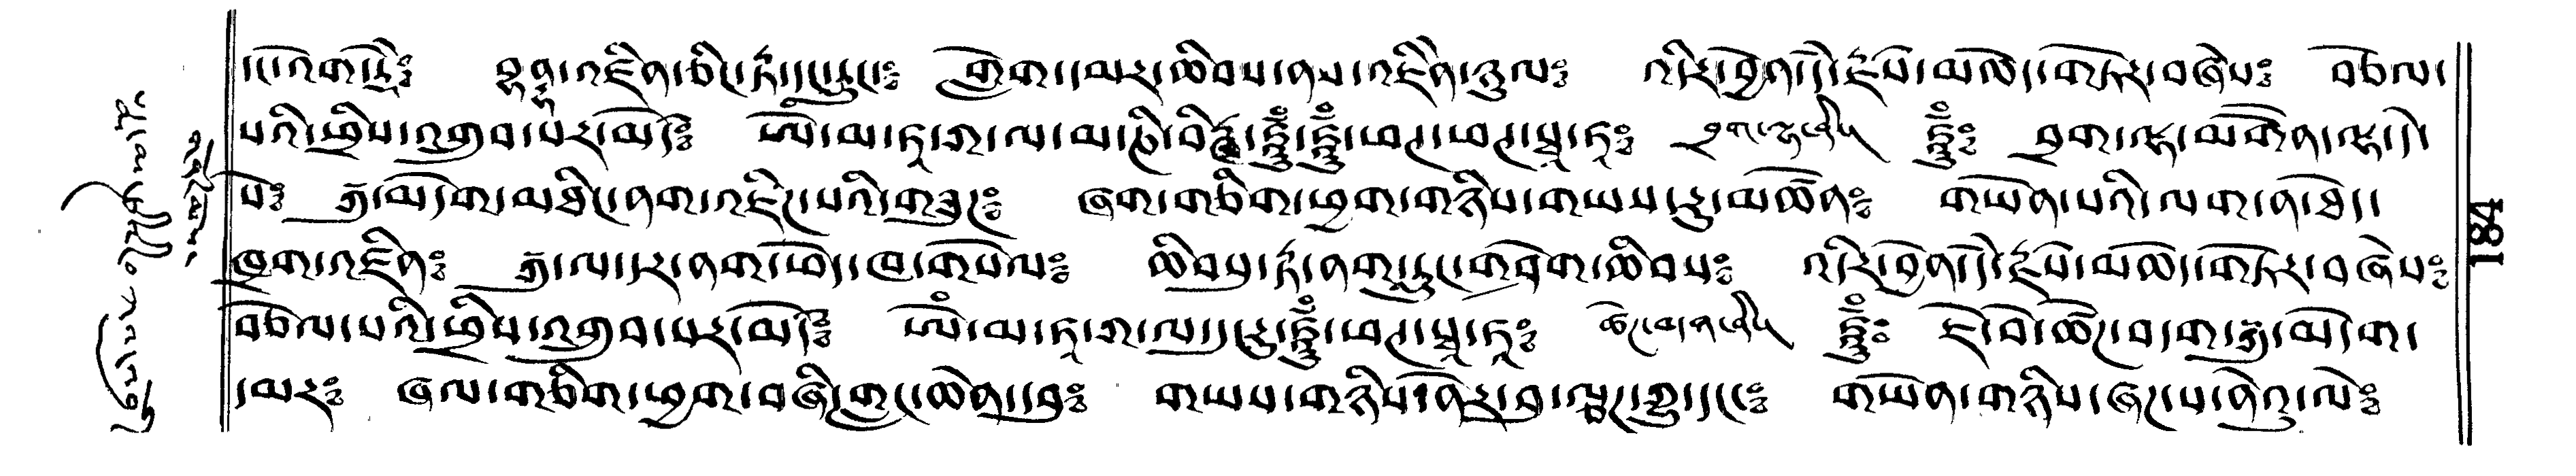དང་འོག་རྡོ་རྗེ༔ བྷནྡྷ་འཛིན་ཅིང་རྟ་དང་རླུང༔ གློག་དམར་ཆིབས་ནས་འཇིག་རྟེན་ཉུལ༔ འདིར་བྱོན་དམ་རྫས་མཆོད་གཏོར་བཞེས༔ བཅོལ་
པའི་ཕྲིན་ལས་འགྲུབ་པར་མཛོད༔ ཨོཾ་མ་ཧཱ་ཀ་ལ་མ་ཎི་བིར་ཝ་ཧཱུྃ་ཧཱུྃ་ཕཊ་ཕཊ་སྭ་ཧཱ༔ བྲག་ལྷ་ནི། ཧཱུྃ༔ བྲག་ལྷ་མགོན་པོ་ལྷ་དེ་
པོ༔ སྐུ་མདོག་མཐིང་ནག་འཇིགས་པའི་གཟུགས༔ ཞག་གཅིག་ཕྱག་གཉིས་གཡས་རུ་མཚོན༔ གཡོན་པའི་ལག་ན་ཐོད་
ཁྲག་འཛིན༔ སྐུ་ལ་དར་ནག་ཕོད་ཁ་གསོལ༔ ཆིབས་སུ་རྟ་ནག་རླུང་གཤོག་ཆིབས༔ འདིར་བྱོན་དམ་རྫས་མཆོད་གཏོར་བཞེས༔ 
བཅོལ་པའི་ཕྲིན་ལས་འགྲུབ་པར་མཛོད༔ ཨོཾ་མ་ཧཱ་ཀ་ལ་དུ་རུ་ཧཱུྃ་ཕཊ་སྭ་ཧཱ༔ ཚོགས་བདག་ནི། ཧཱུྃ༔ ཇོ་བོ་ཚོགས་བདག་སྐུ་མདོག་
དམར༔ ཞལ་གཅིག་ཕྱག་བཞི་གླང་ཆེན་དབུ༔ གཡས་གཉིས་ནོར་བུ་ལྕགས་ཀྱུ་དང༔ གཡོན་གཉིས་ཞགས་པ་ནེའུ་ལེ༔